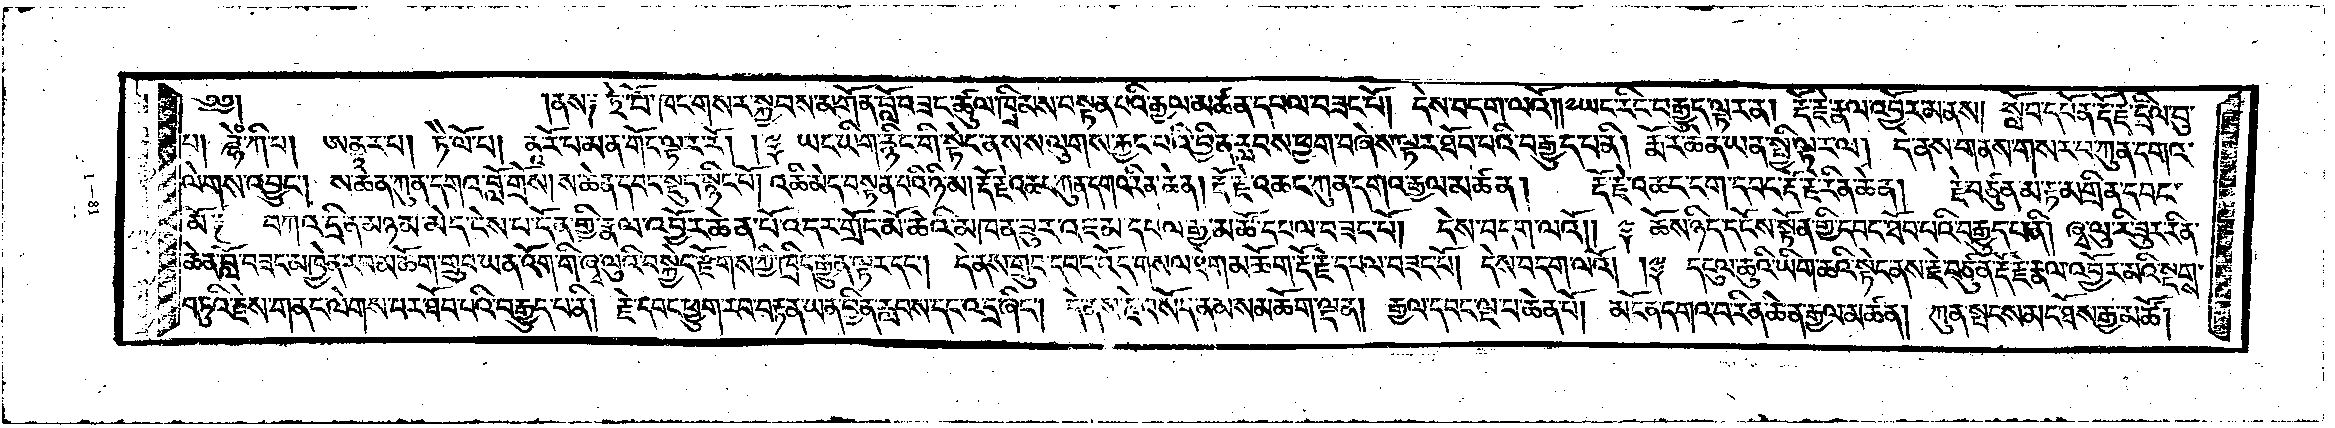༄༅། །ནས༑ ཏྲེ་བོ་ཁང་གསར་སྐྱབས་མགོན་བློ་བཟང་ཚུལ་ཁྲིམས་བསྟན་པའི་རྒྱལ་མཚན་དཔལ་བཟང་པོ། དེས་བདག་ལའོ། །༧་ཡང་རིང་བརྒྱུད་ལྟར་ན། རྡོ་རྗེ་རྣལ་འབྱོར་མ་ནས། སློབ་དཔོན་རྡོ་རྗེ་དྲིལ་བུ་
པ། ཌྷེ྾་ཀི་པ། ཨནྟྲ་ར་པ། ཏཻ་ལོ་པ། ནཱ་རོ་པ་མ་ན་གོང་ལྟར་རོ། །༈ ཡང་ཡིག་རྙིང་གི་སྟེང་ནས་ས་ལུགས་རྐྱང་པའི་བྱིན་རླབས་ཕྱག་བཞེས་ལྟར་ཐོབ་པའི་བརྒྱུད་པ་ནི། རྨོར་ཆེན་ཡན་སྤྱི་ལྟར་ལ། དེ་ནས་གནས་གསར་པ་ཀུན་དགའ་
ལེགས་འབྱུང་། ས་ཆེན་ཀུན་དགའ་བློ་གྲོས། ས་ཆེན་དབང་སྡུད་སྙིང་པོ། འཆི་མེད་བསྟན་པའི་ཉི་མ། རྡོ་རྗེ་འཆང་ཀུན་དགའ་རིན་ཆེན། རྡོ་རྗེ་འཆང་ཀུན་དགའ་རྒྱལ་མཚན། རྡོ་རྗེ་འཆང་ངག་དབང་རྡོ་རྗེ་རིན་ཆེན། རྗེ་བཙུན་མ་རྟ་མགྲིན་དབང་
མོ༑ བཀའ་དྲིན་མཉམ་མེད་ངེས་པ་དོན་གྱི་རྣལ་འབྱོར་ཆེན་པོ་འདར་གྲོང་མོ་ཆེའི་མཁན་ཟུར་འཇམ་དཔལ་རྒྱ་མཚོ་དཔལ་བཟང་པོ། དེས་བདག་ལའོ།། ༈ ཆོས་ཉིད་དངོས་སྟོན་གྱི་དབང་ཐོབ་པའི་བརྒྱུད་པ་ནི། ཞྭ་ལུ་རི་ཟུར་རིན་
ཆེན་བློ་བཟང་མཁྱེན་རབ་མཆོག་གྲུབ་ཡན་འོག་གི་ཞྭ་ལུའི་བསྐྱེད་རྫོགས་ཀྱི་ཁྲིད་རྒྱུན་ལྟར་དང་། དེ་ནས་གྲུབ་དབང་འོད་གསལ་ཐེག་མཆོག་རྡོ་རྗེ་དཔལ་བཟང་པོ། དེས་བདག་ལའོ། །འ་དངུལ་ཆུའི་ཡིག་ཆའི་སྟེང་ནས་རྗེ་བཙུན་རྡོ་རྗེ་རྣལ་འབྱོར་མའི་སྔགས་
བཏུའི་རྗེས་གནང་ལེགས་པར་ཐོབ་པའི་བརྒྱུད་པ་ནི། རྗེ་དབང་ཕྱུག་རབ་བརྟན་ཡན་བྱིན་རླབས་དང་འདྲ་ཞིང་། དེ་ནས་རྗེ་བསོད་ནམས་མཆོག་ལྡན། རྒྱལ་དབང་ལྔ་པ་ཆེན་པོ། མངོན་དགའ་བ་རིན་ཆེན་རྒྱལ་མཚན། ཀུན་སྤངས་མང་ཐོས་རྒྱ་མཚོ།